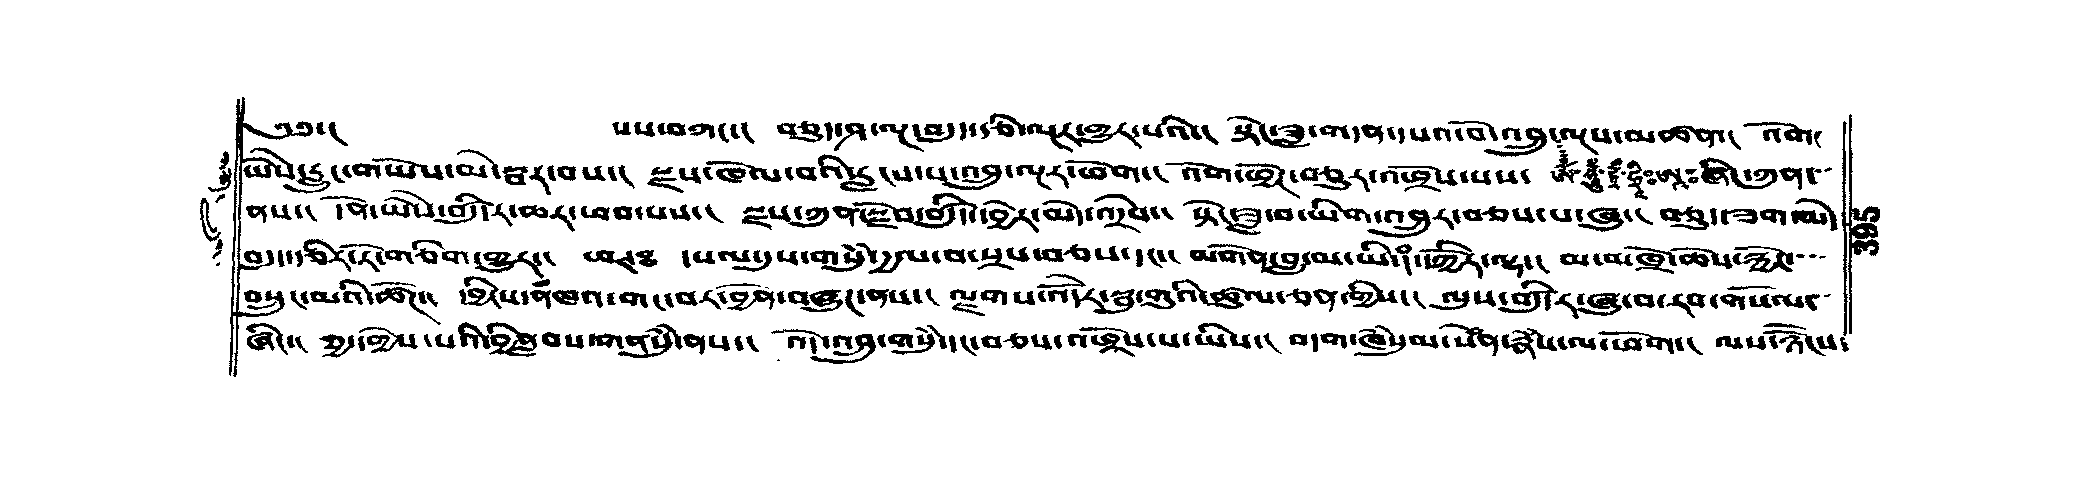པས་བཀང་། །བཅུད་ཤ་སྔ་བདུད་རྩི་ལྔར་གྱུར་པའི། །སྟེང་ཟླ་གདན་དཔའ་བོ་འབྲུ་ཨོྃ་ཧཱུྃ་ཏྲྃ་ཧྲཱི་ཨཱ། ལྔས་མཚན། །འོག་
ཡེ་ཤེས་རླུང་གཡོས་མེ་སྦར་བས། །རྫས་ཁོལ་བའི་རླངས་པ་འབྲུ་ལྔར་ཕོག་།འོག་ཕྱོགས་བཅུར་འཕྲོས་པས་ཞིང་ཀུན་
ནས། །དོན་ཡེ་ཤེས་བདུད་རྩི་ཆར་ཕབ་པས། །རྫས་ཀུན་རྫོབ་བདུད་རྩིར་དབྱེར་མེད་འདྲེས། སྟེང་ཟླ་བ་ཡིག་འབྲུར་བཅས་པ་ཞུ། །བཅུད་ཟག་མེད་
བདུད་རྩིར་རོ་གཅིག་གྱུར། །ཕཊཿ དཔལ་དུས་གསུམ་རྒྱལ་བ་སྲས་བཅས་དང་། མགོན་བླ་མ་ཡི་དམ་དཀྱིལ་འཁོར་ལྷ། །མ་མཁའ་འགྲོ་ཆོས་སྐྱོང་
བསྲུང་མའི་ཚོགས། །དབྱིངས་ནམ་མཁའ་གང་བར་བྱོན་བཞུགས་ནས། །ལྗགས་འོད་ཟེར་སྦུ་གུའི་ཚུལ་ཅན་གྱིས། །ལུས་བདུད་རྩིར་ཞུ་བ་རབ་གསོལ་
ཞིང་། །ཐུགས་དགྱེས་པའི་བྱིན་རླབས་གནས་གསུམ་ནས། །འོད་འབྲུ་གསུམ་དང་བཅས་འཕྲོས་པ་ཡིས། །བདག་ཁམས་གསུམ་སེམས་ཅན་རྣམས་ལ་ཕོག་།ལས་ཉོན་མོངས་